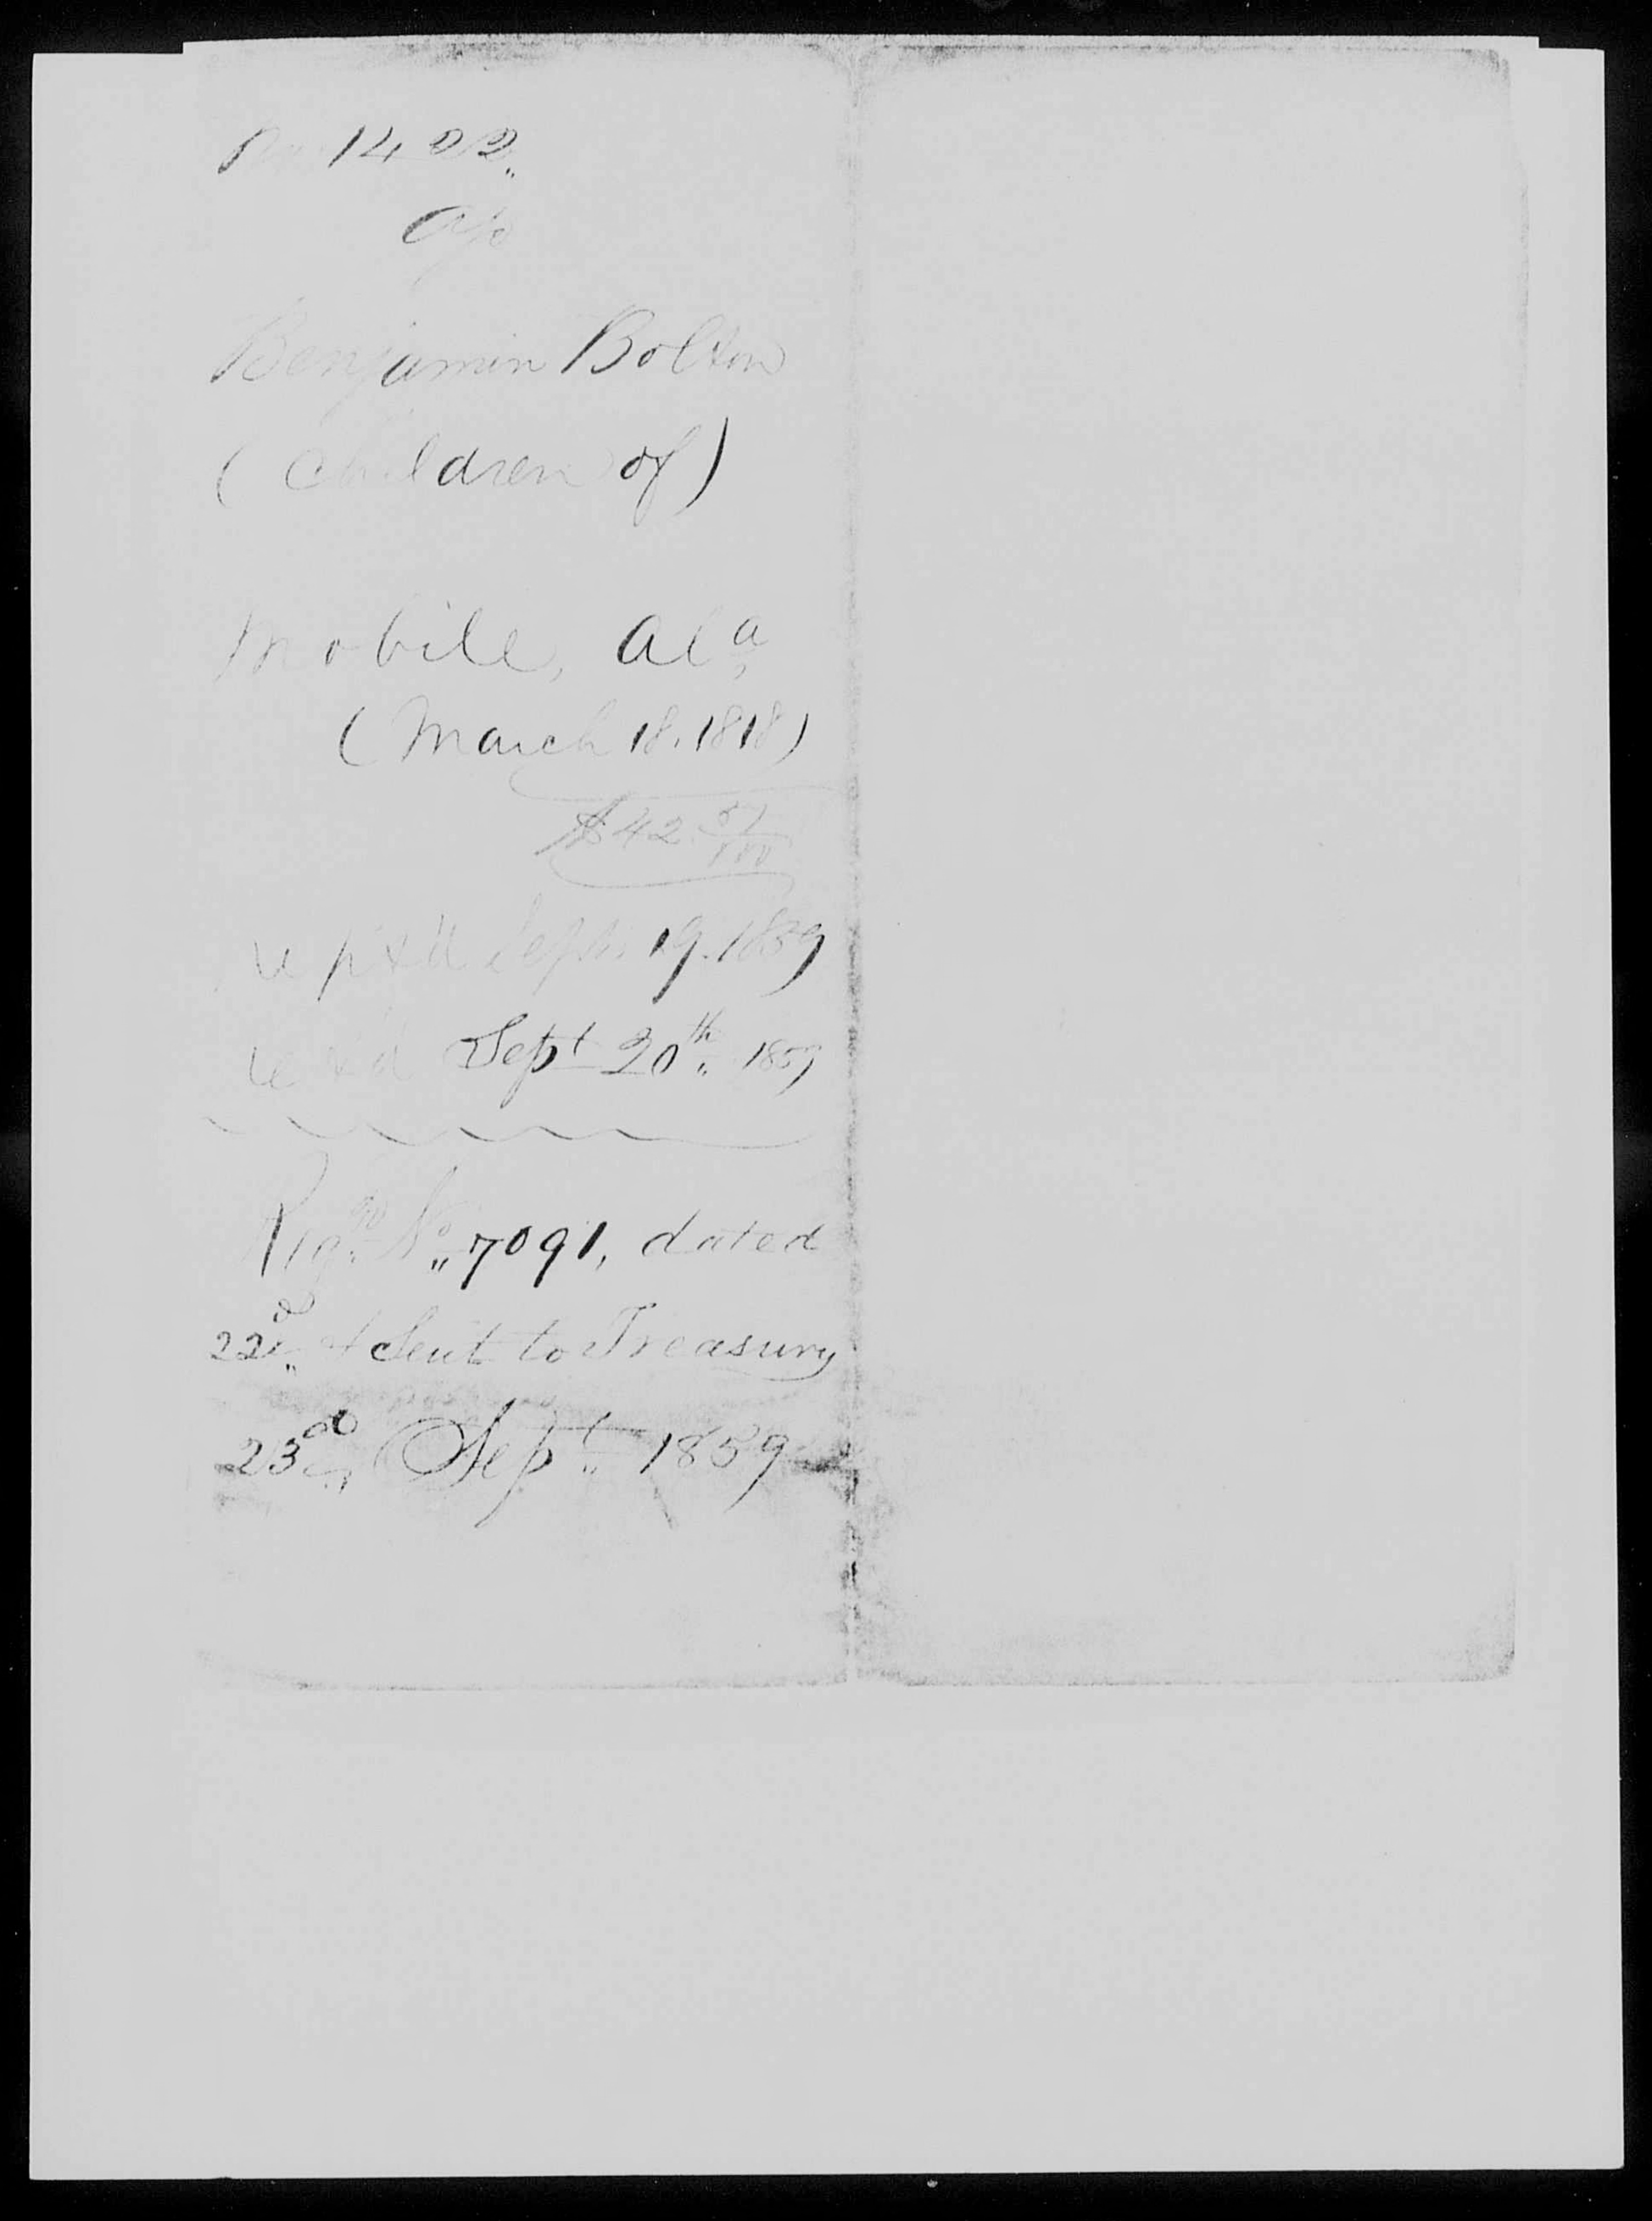No 1422"
Op
Benjamin Bolton
(children of)

Mobile, Ala
(March 18, 1818)
____________
$42.51/100
______________
up & u  Sept: 19. 1859
u & d  Sept 30th" 1859
_____________
Rig: No.. 7091, dated
22 d & Sent to Treasury
23d Sept. 1859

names: Benjamin Bolton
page: 4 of 29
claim: survivor's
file: S. 37,795, Benjamin Bolton, N.C.